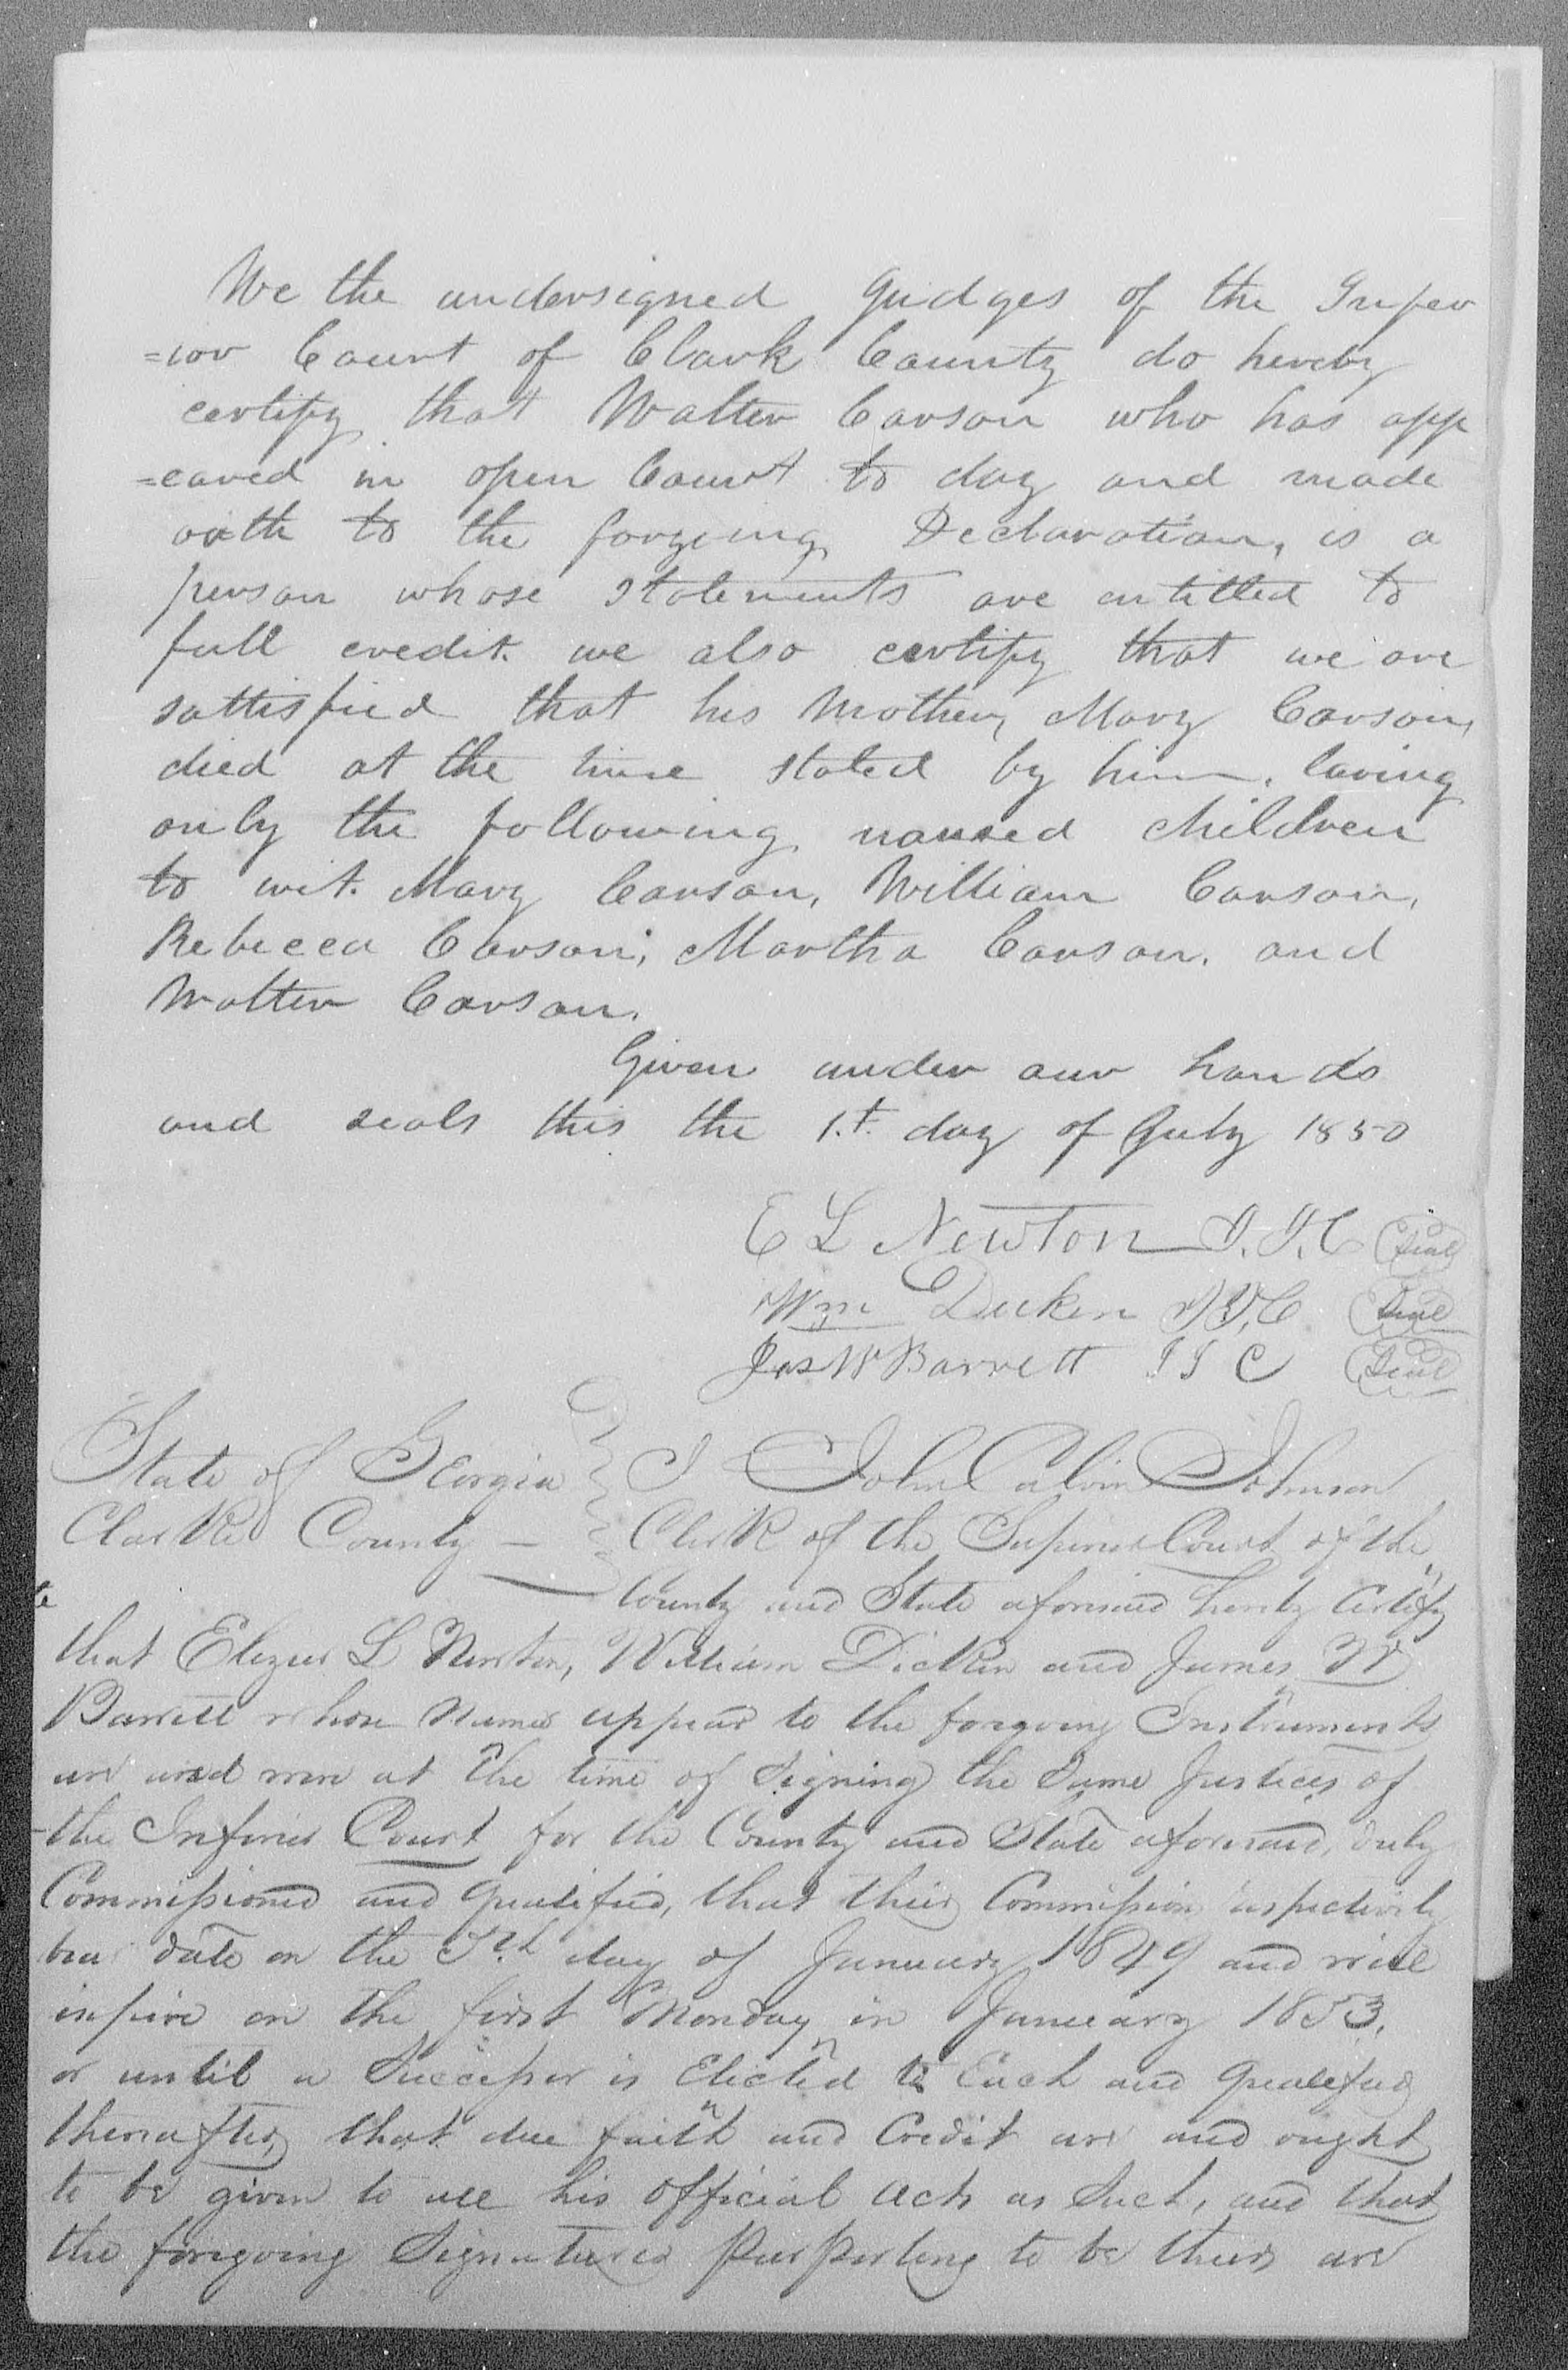We the undersigned Judges of the Inferior Court of Clark County do hereby certify that Walter Carson who has appeared in open Court to day and made oath to the forgoing Declaration, is a person whose statements are entitled to full credit, we also certify that we are sattisfied that his mother Mary Carson, died at the time stated by him leaving only the following named children to wit Mary Carson, William Carson, Rebecca Carson, Martha Carson, and Walter Carson.
Given under our hands and seals this the 11th day of July 1850
E L Newton J.I.C (seal)
Wm Dicken J.I.C (seal)
Jas W Barrett J I C (seal)

State of Georgia
Clarke County
I John Calvin Johnson Clerk of the Superior Court of the County and State aforesaid hereby Certify that Elizur L Newton, William Dicken and James W Barrett whose names appear to the forgoing Instruments are and were at the time of signing the same Justices of Inferior Court for the County and State aforesaid, duly commissioned and qualified, that their Commission respectively by date on the 3rd day of January 1849 and will expire on the first Monday in January 1853 or until a successor is elected to each and qualified thereafter, that due faith and credit are and ought be given to all his official acts as such, and that the foregoing Signatures purporting to be theirs are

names: Elizur L Newton, William Carson, John Calvin Johnson, James W Burnett, Wm Dicken, Jas W Barrett, Walter Carson, William Dicken, Mary Carson, Walter Carson, Martha Carson, Mary Carson, Rebecca Carson, E L Newton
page: 10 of 34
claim: rejected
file: R. 1,738, Walter Carson, N.C. S.C.